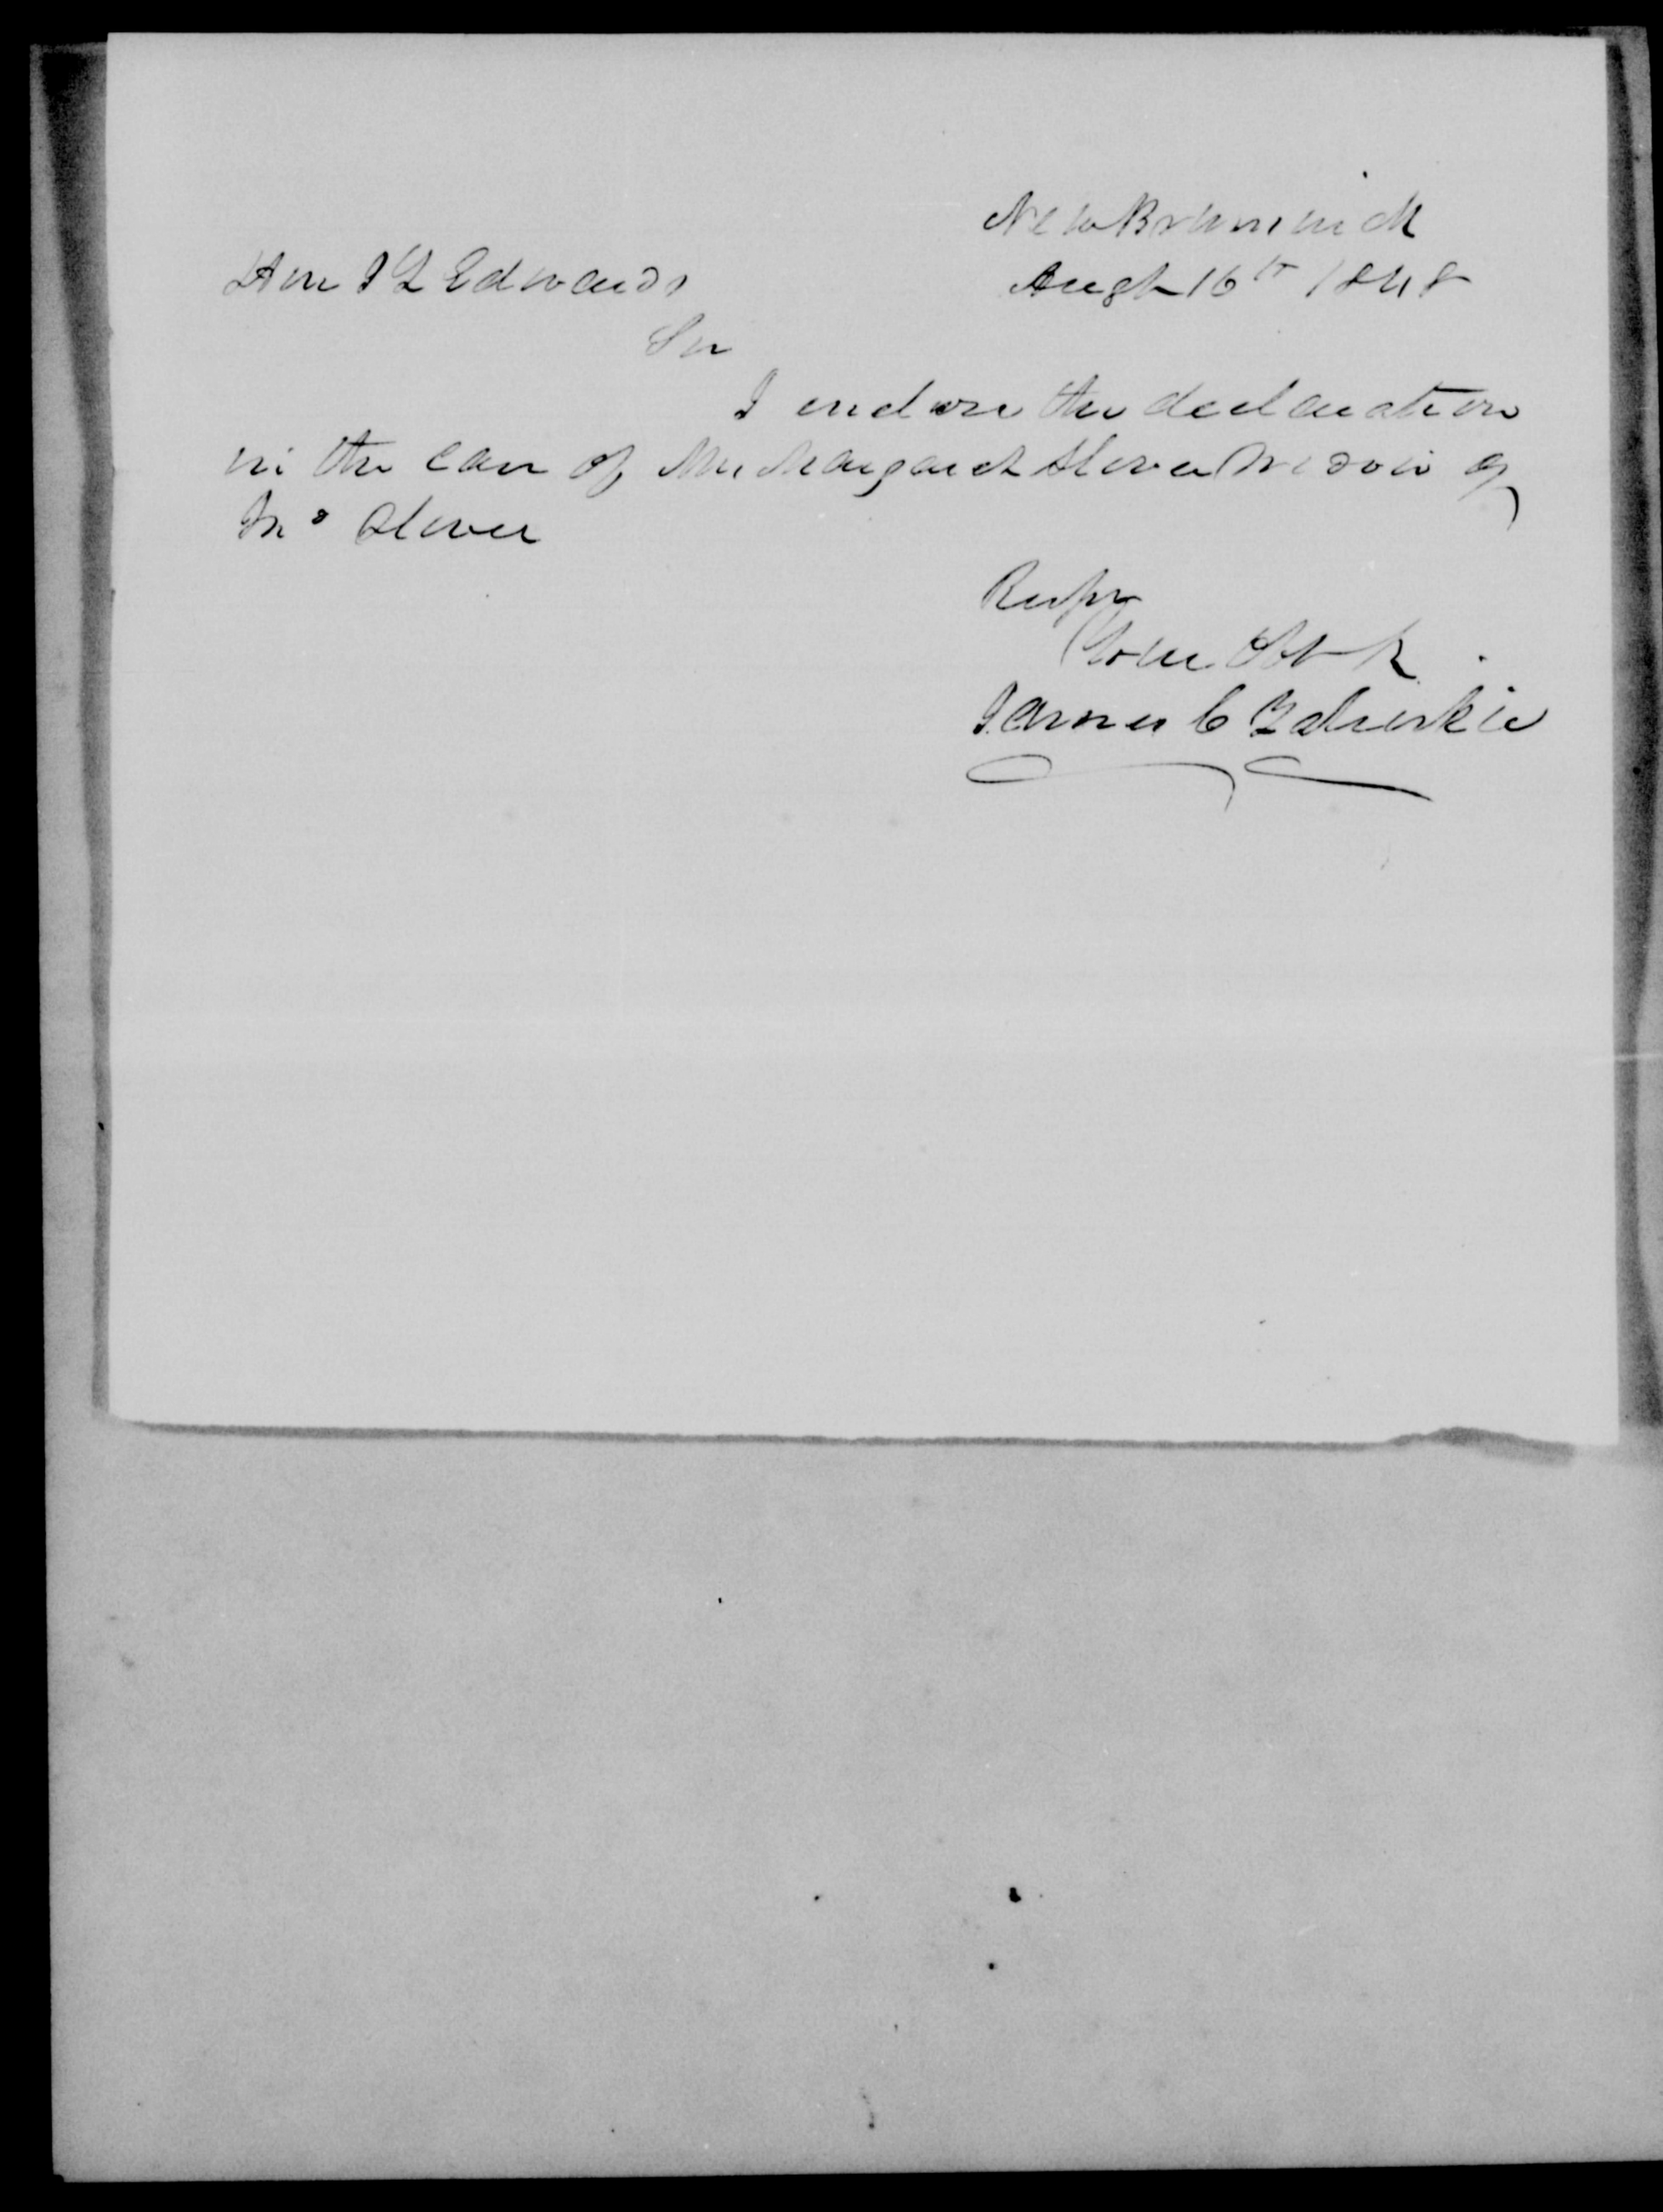New Brunswick
Aug. 16th 1848

Hon. J.L. Edwards

Sir,

I enclose the declaration in the case of Mrs. Margaret Slover, widow of Jno. Slover.

Respectfully y(ou)r obe(dient) ser(vant),
s/ James C. Zabrieskie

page: 35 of 46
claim: widow's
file: W. 6205, for John Slover, New Jersey